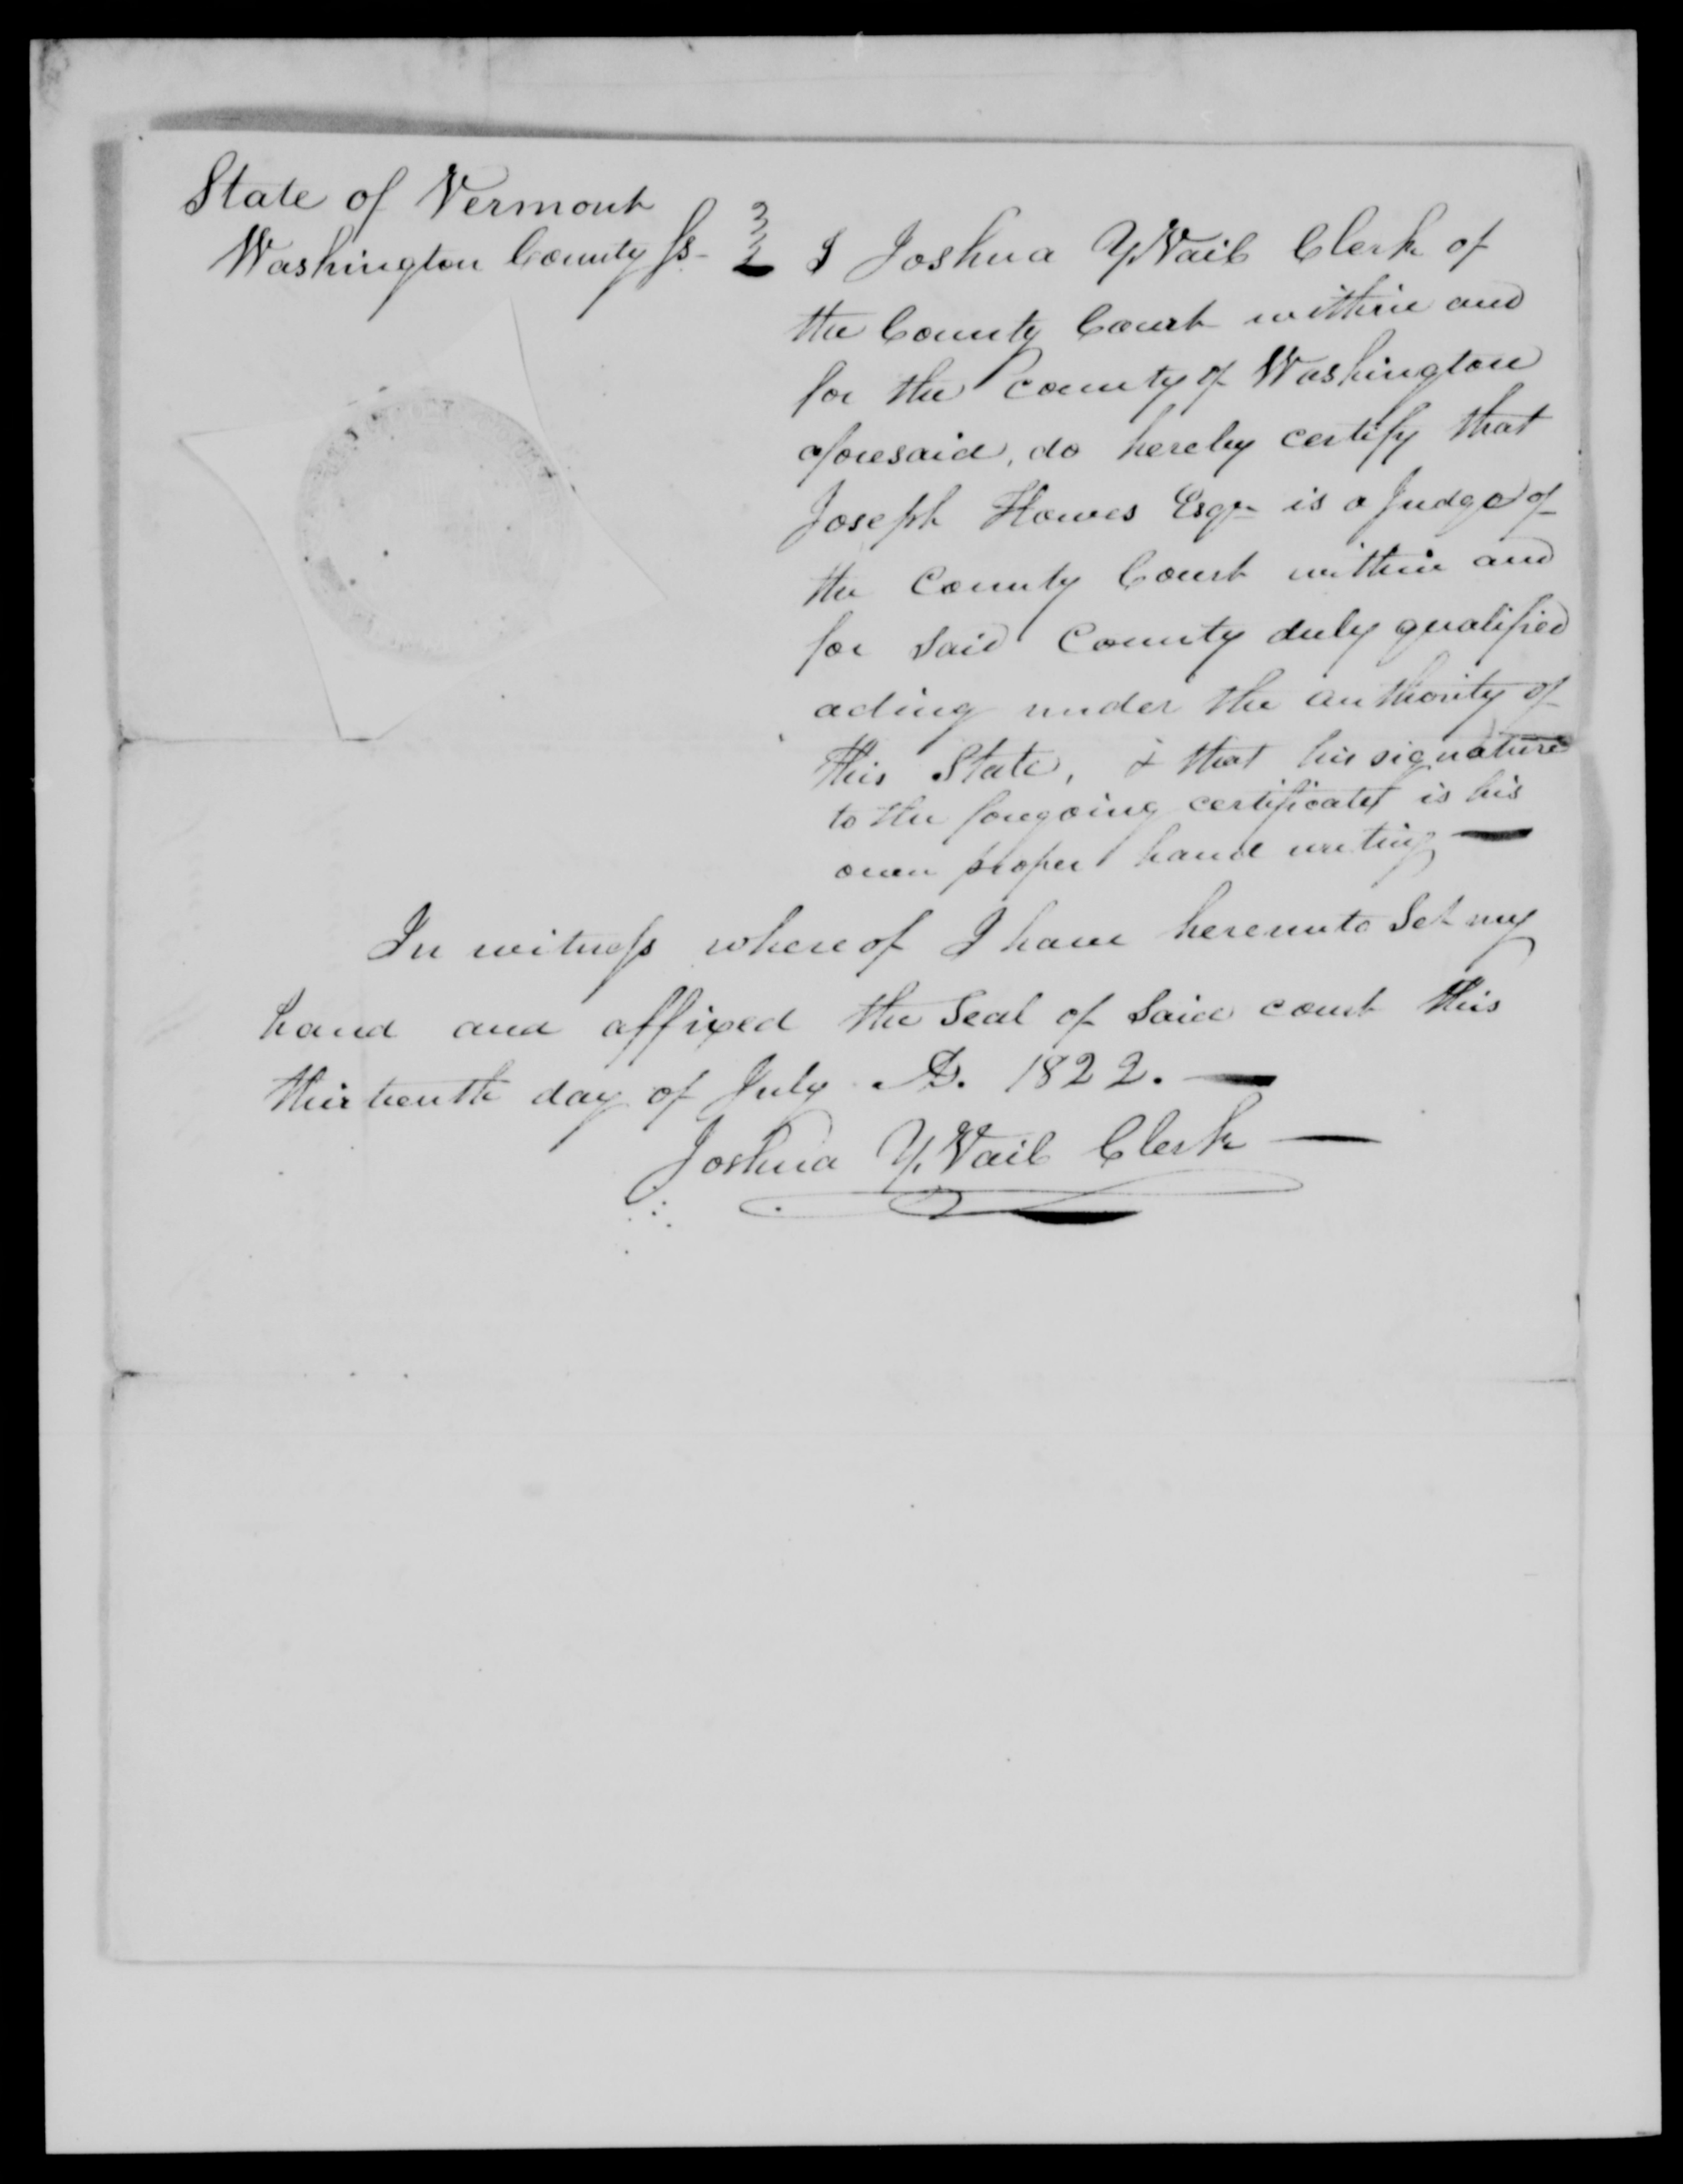State of Vermont
Washington County Ss
(seal)
I Joshua Y. Vail Clerk of the County Court within and for the county of Washington aforesaid do hereby certify that Joseph Howes Esq. is a Judge of the county Court within and for said county duly qualified acting under the authority of this State, & that his signature to the foregoing certificate is his own proper hand writing.
In witness whereof I have hereunto set my hand and affixed the Seal of sid court this thirteenth day of July AD 1822.
Joshua Y. Vail, Clerk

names: Joshua Y Nail, Joseph Howes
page: 40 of 79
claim: survivor's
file: S. 11759, Samuel White, Mass.